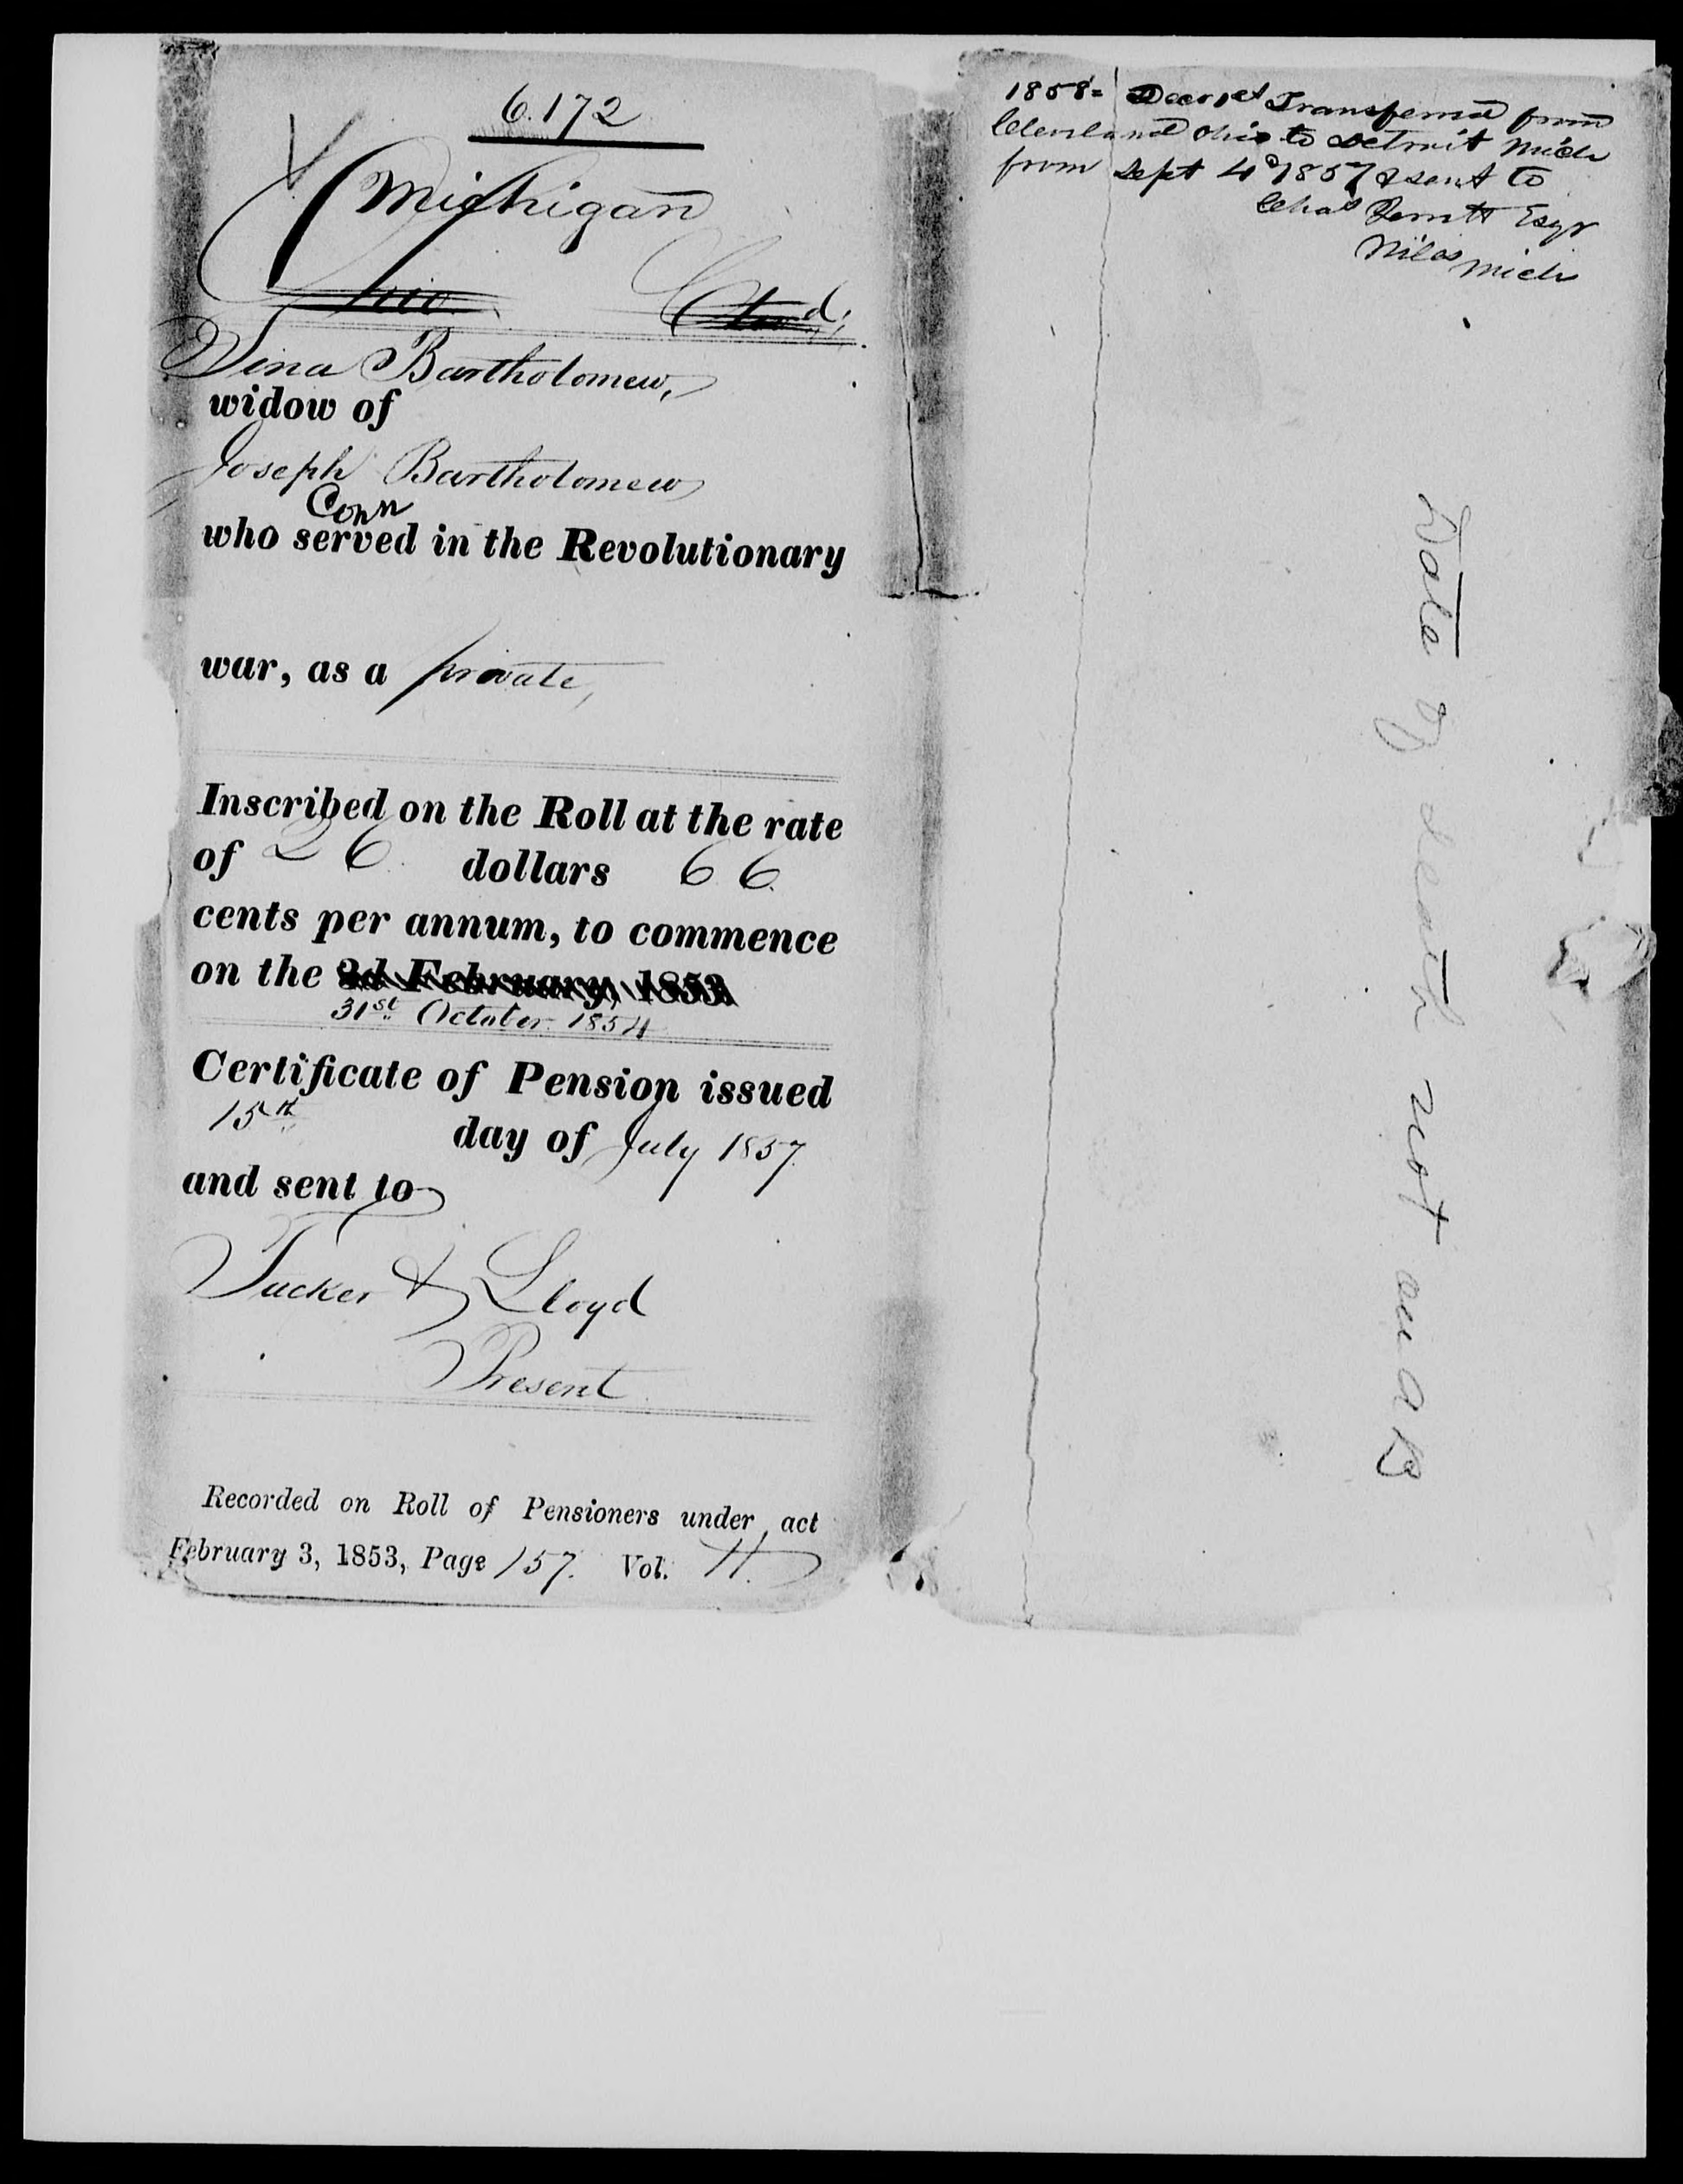6.172
Michigan
Sina Bartholomew, widow of
Joseph Bartholomew
Conn
who served in the Revolutionary war,
as a private,

Inscribed on the Roll at the rate
of 26. dollars 66. cents per annum, 
to commence
on the 31st October 1854

Certificate of Pension issued
15th day of July 1857 and sent to
Tucker & Lloyd
Present

Recorded on Roll of Pensioners under act
February 3, 1853, Page 157. Vol. H.

[On facing page] 
1858 = [illegible]Transferred from
Cleveland Ohio to Detroit Mich
from Sept 4 1857 & sent to
Chas Jewett Esqr
Miles Mick

Date of death not [illegible]  
A B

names: Joseph Bartholomew, Chas Jewett, Sina Bartholomew, Tucker, Lloyd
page: 3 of 76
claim: widow's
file: W. 9345, Joseph Bartholomew, Conn.